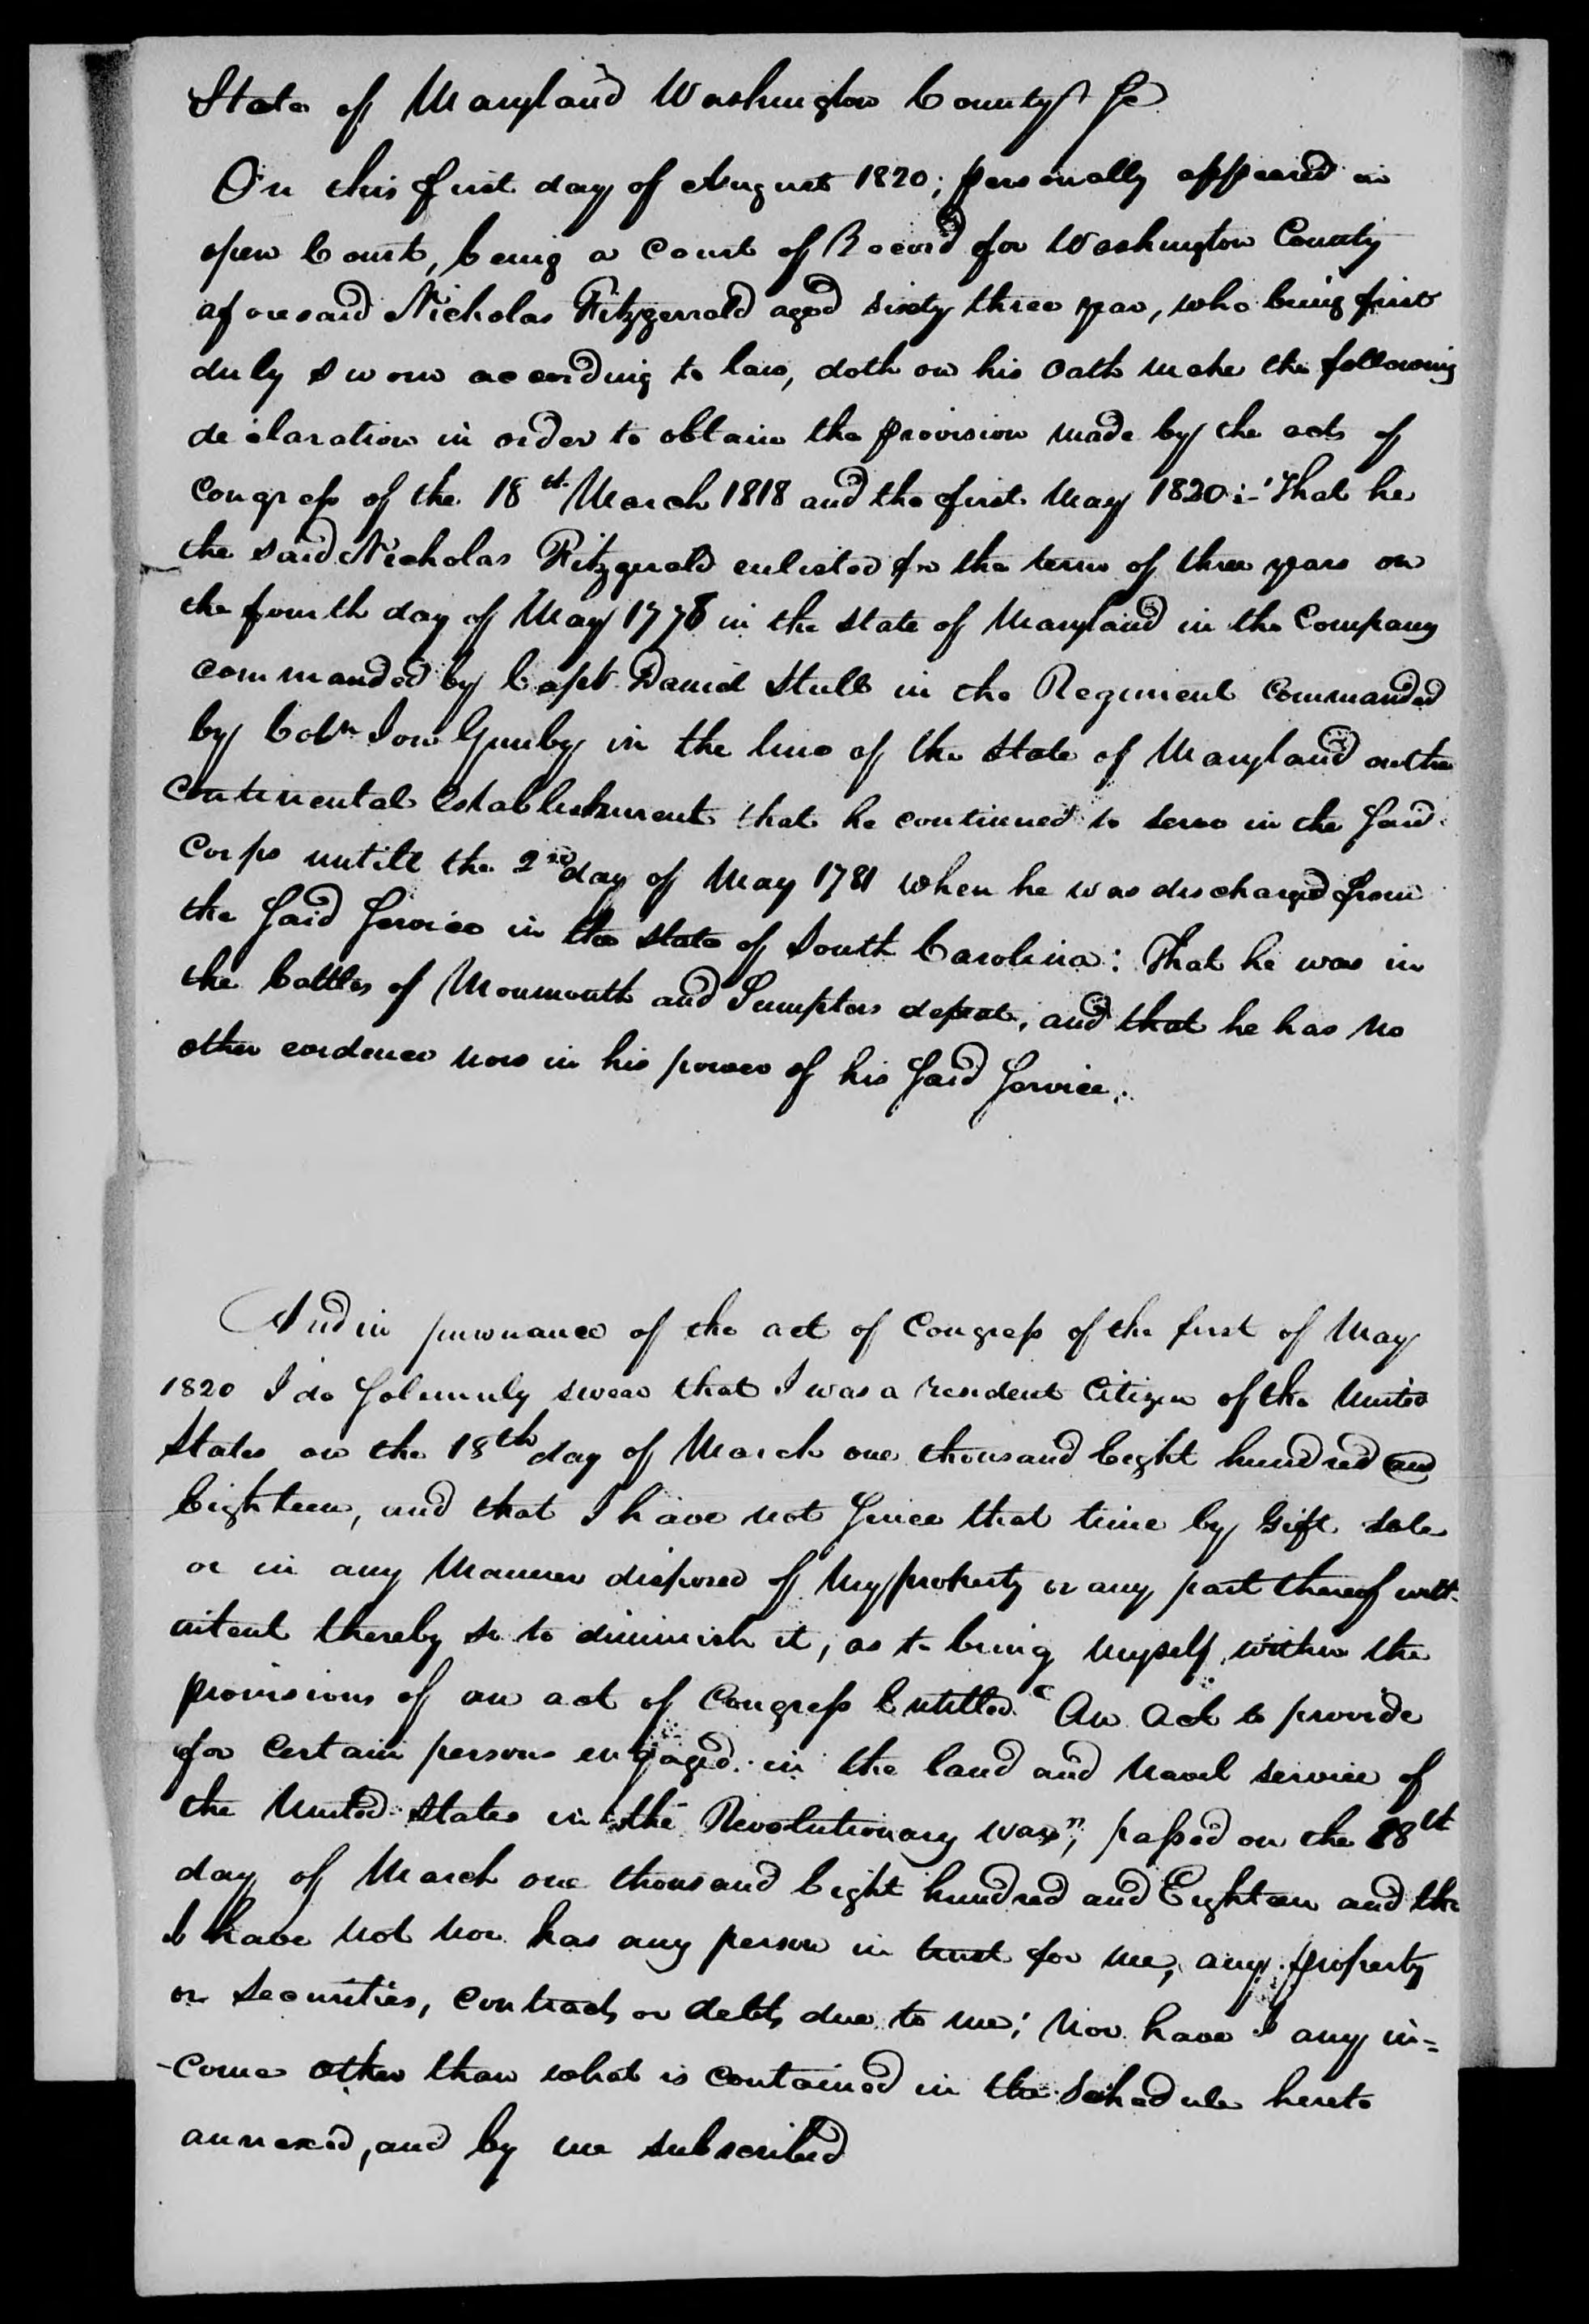State of Maryland Washington County

On this first day of August 1820, personally appeared in open court, being a court of [illegible] for Washington County aforesaid Nicholas Fitzgerrald [sic] aged sixty three years, who being first duly sworn according to law, doth on his oath make the following declaration in order to obtain the provision made by the act of congress of the 18th March 1818 and the first May 1820: that he the said Nicholas Fitzgerald enlisted for the term of three years on the fourth day of May 1778 in the state of Maryland in the company commanded by Capt. Daniel Stull in the Regiment commanded by Col. Jon Gunby in the line of the state of Maryland [illegible] establishment that he continued to serve in the said corps untill [sic] the 2nd day of May 1781 when he was discharged from the said forces in the state of South Carolina: That he was in the battle of Monmouth and Sumpter, and that he has no other [illegible] in his [illegible] of his said [illegible].

And in [illegible] of the act of congress of the first of May 1820 I do solemnly swear that I was a resident citizen of the United States on the 18th day of March one thousand eight hundred and Eighteen, and that I have not since that time by gift, sale or in any manner disposed of my property or any part thereof with intent thereby to diminish it, as to being myself within the provisions of an act of congress [illegible] to provide for certain persons engaged in the land and [illegible] service of the United States in the Revolutionary war, passed on the 8th day of March one thousand Eight hundred and Eighteen and that I have not [illegible] any person in trust for me, any property or securities, [illegible] or debts due to me: nor have any income other than what is contained in the schedule hereto announced, and by me subscribed.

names: Nicholas Fitzgerald, David Stull, Jon Gunby, Nicholas Fitzgerrald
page: 5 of 7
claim: survivor's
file: S. 34,852, Nicholas Fitzgerald, Md.